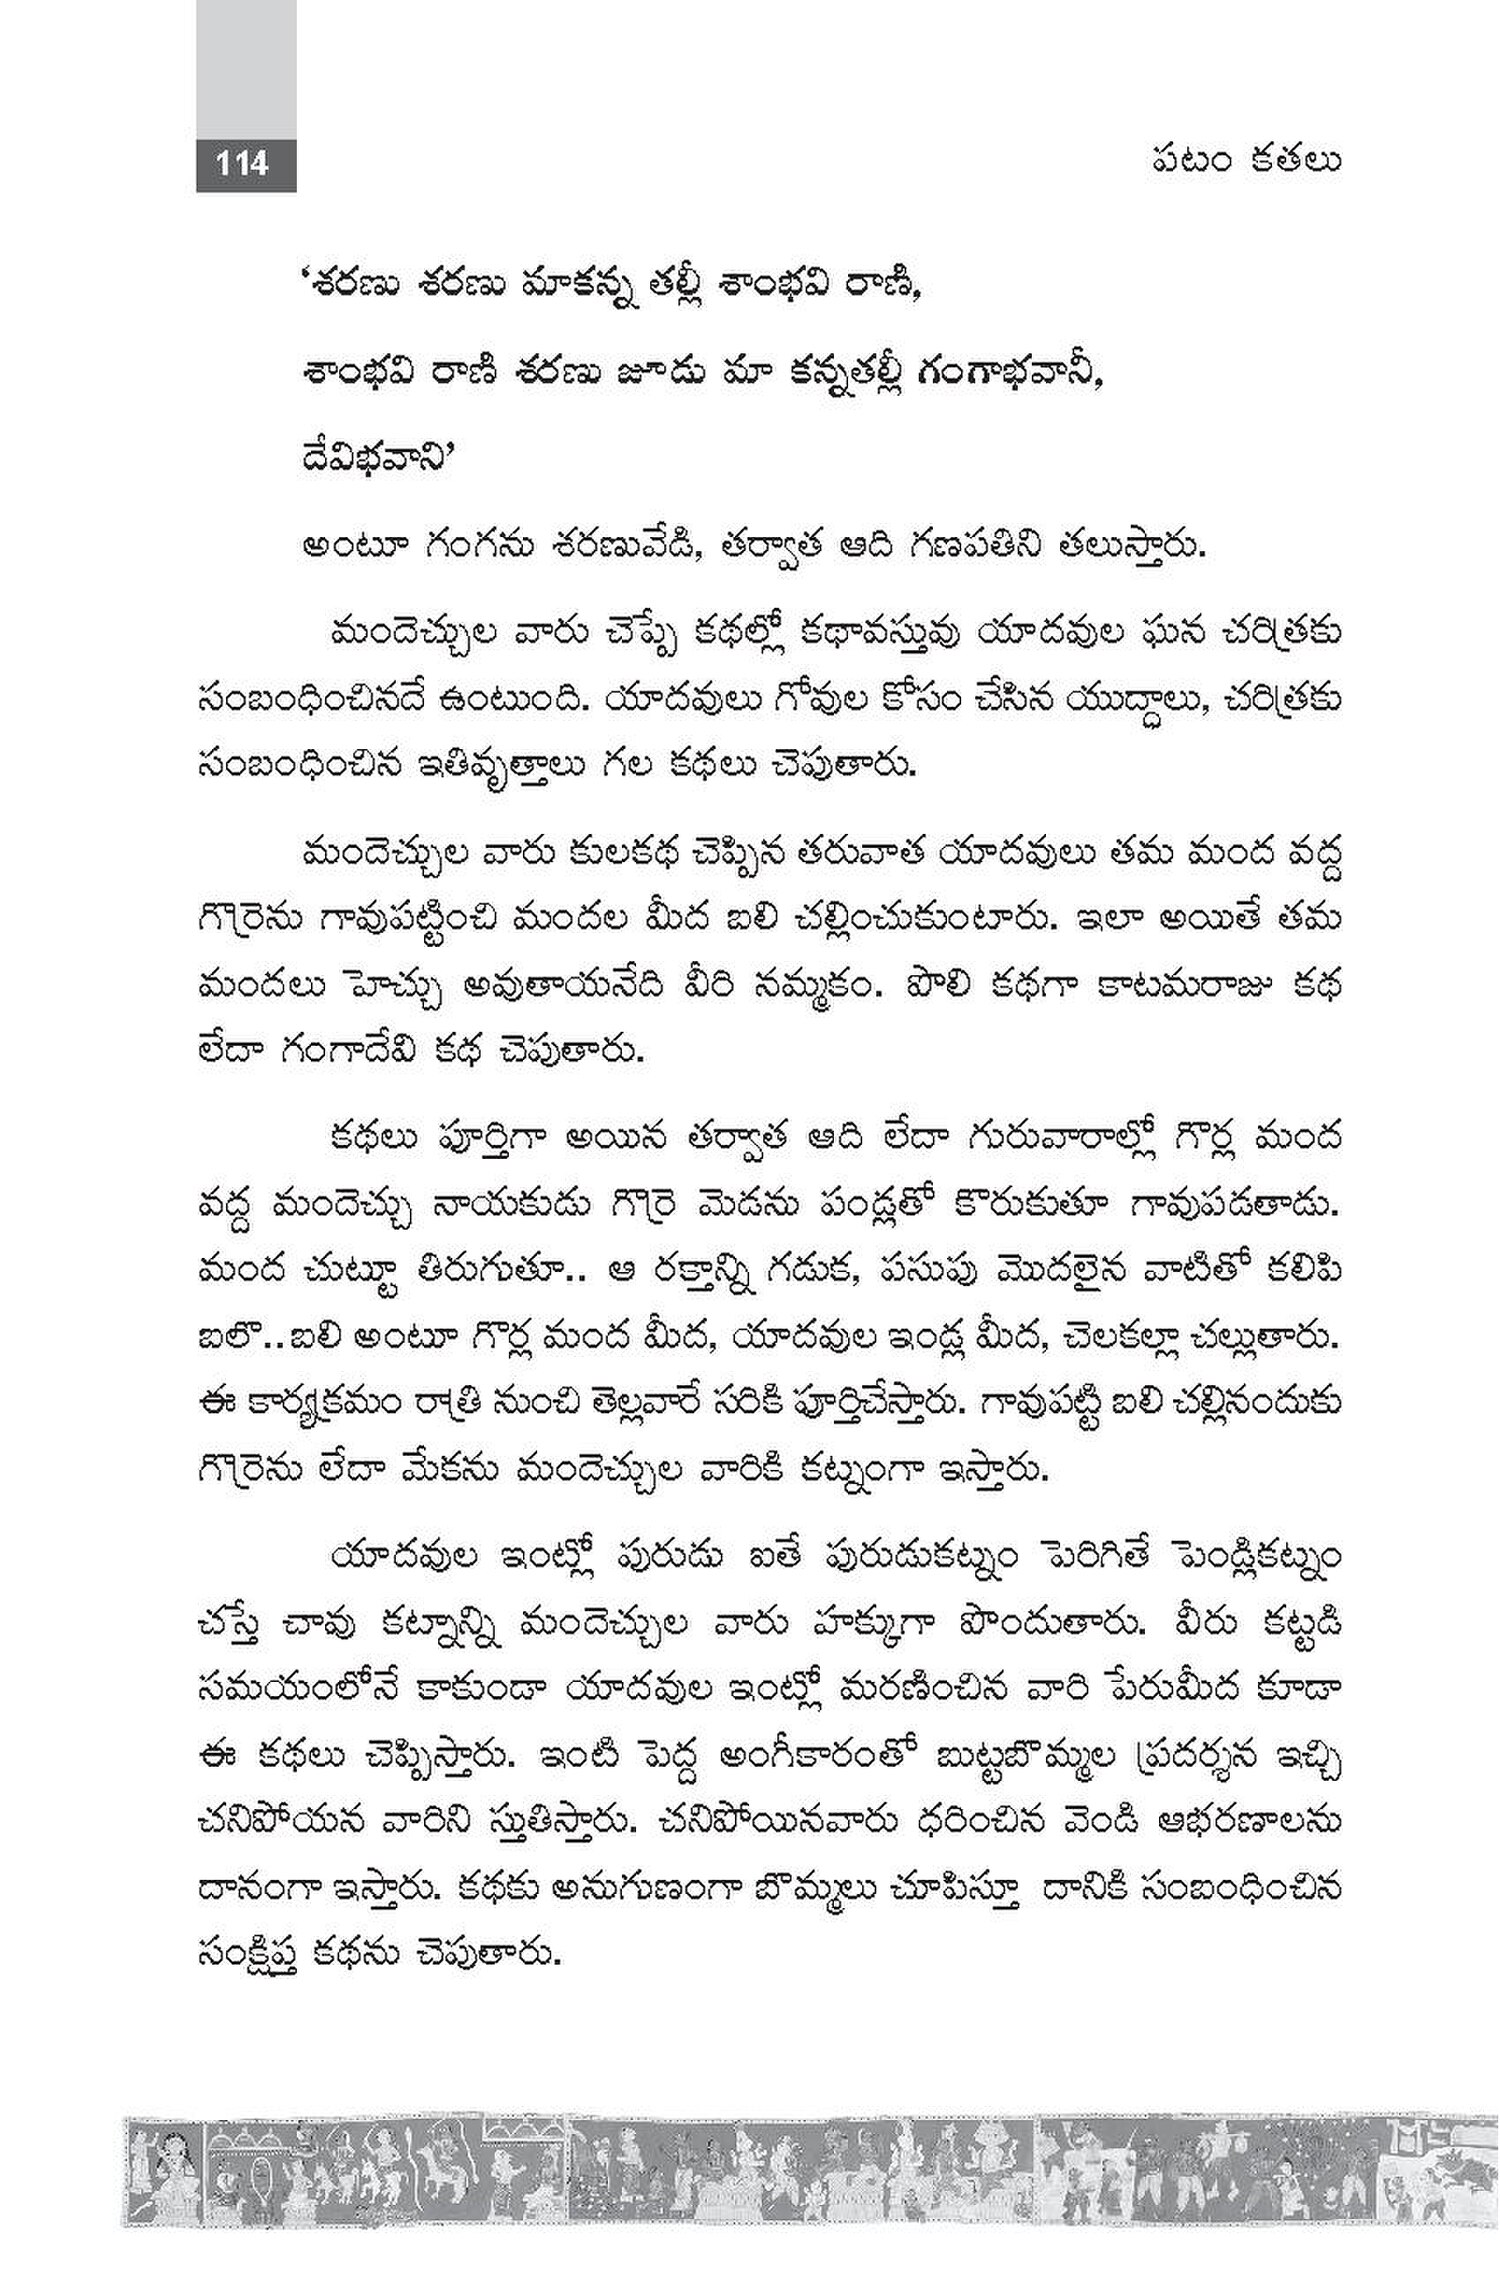'శరణు శరణు మాకన్న తల్లీ శాంభవి రాణి,
శాంభవి రాణి శరణు జూడు మా కన్నతల్లీ గంగాభవానీ,
దేవిభవాని'

అంటూ గంగను శరణువేడి, తర్వాత ఆది గణపతిని తలుస్తారు.

మందెచ్చుల వారు చెప్పే కథల్లో కథావస్తువు యాదవుల ఘన చరిత్రకు సంబంధించినదే ఉంటుంది. యాదవులు గోవుల కోసం చేసిన యుద్ధాలు, చరిత్రకు సంబంధించిన ఇతివృత్తాలు గల కథలు చెపుతారు.

మందెచ్చుల వారు కులకథ చెప్పిన తరువాత యాదవులు తమ మంద వద్ద గొర్రెను గావుపట్టించి మందల మీద ఐలి చల్లించుకుంటారు. ఇలా అయితే తమ మందలు హెచ్చు అవుతాయనేది వీరి నమ్మకం. పొలి కథగా కాటమరాజు కథ
లేదా గంగాదేవి కథ చెపుతారు.

కథలు పూర్తిగా అయిన తర్వాత ఆది లేదా గురువారాల్లో గొర్ల మంద వద్ద మందెచ్చు నాయకుడు గొర్రె మెడను పండ్లతో కొరుకుతూ గావుపడతాడు. మంద చుట్టూ తిరుగుతూ.. ఆ రక్తాన్ని గడుక, పసుపు మొదలైన వాటితో కలిపి బలొ.. బలి అంటూ గొర్ల మంద మీద, యాదవుల ఇండ్ల మీద, చెలకల్లా చల్లుతారు. ఈ కార్యక్రమం రాత్రి నుంచి తెల్లవారే సరికి పూర్తిచేస్తారు. గావుపట్టి బలి చల్లినందుకు గొర్రెను లేదా మేకను మందెచ్చుల వారికి కట్నంగా ఇస్తారు.

యాదవుల ఇంట్లో పురుడు ఐతే పురుడుకట్నం పెరిగితే పెండ్లికట్నం చస్తే చావు కట్నాన్ని మందెచ్చుల వారు హక్కుగా పొందుతారు. వీరు కట్టడి సమయంలోనే కాకుండా యాదవుల ఇంట్లో మరణించిన వారి పేరుమీద కూడా ఈ కథలు చెప్పిస్తారు. ఇంటి పెద్ద అంగీకారంతో బుట్టబొమ్మల ప్రదర్శన ఇచ్చి చనిపోయన వారిని స్తుతిస్తారు. చనిపోయినవారు ధరించిన వెండి ఆభరణాలను దానంగా ఇస్తారు. కథకు అనుగుణంగా బొమ్మలు చూపిస్తూ దానికి సంబంధించిన సంక్షిప్త కథను చెపుతారు.